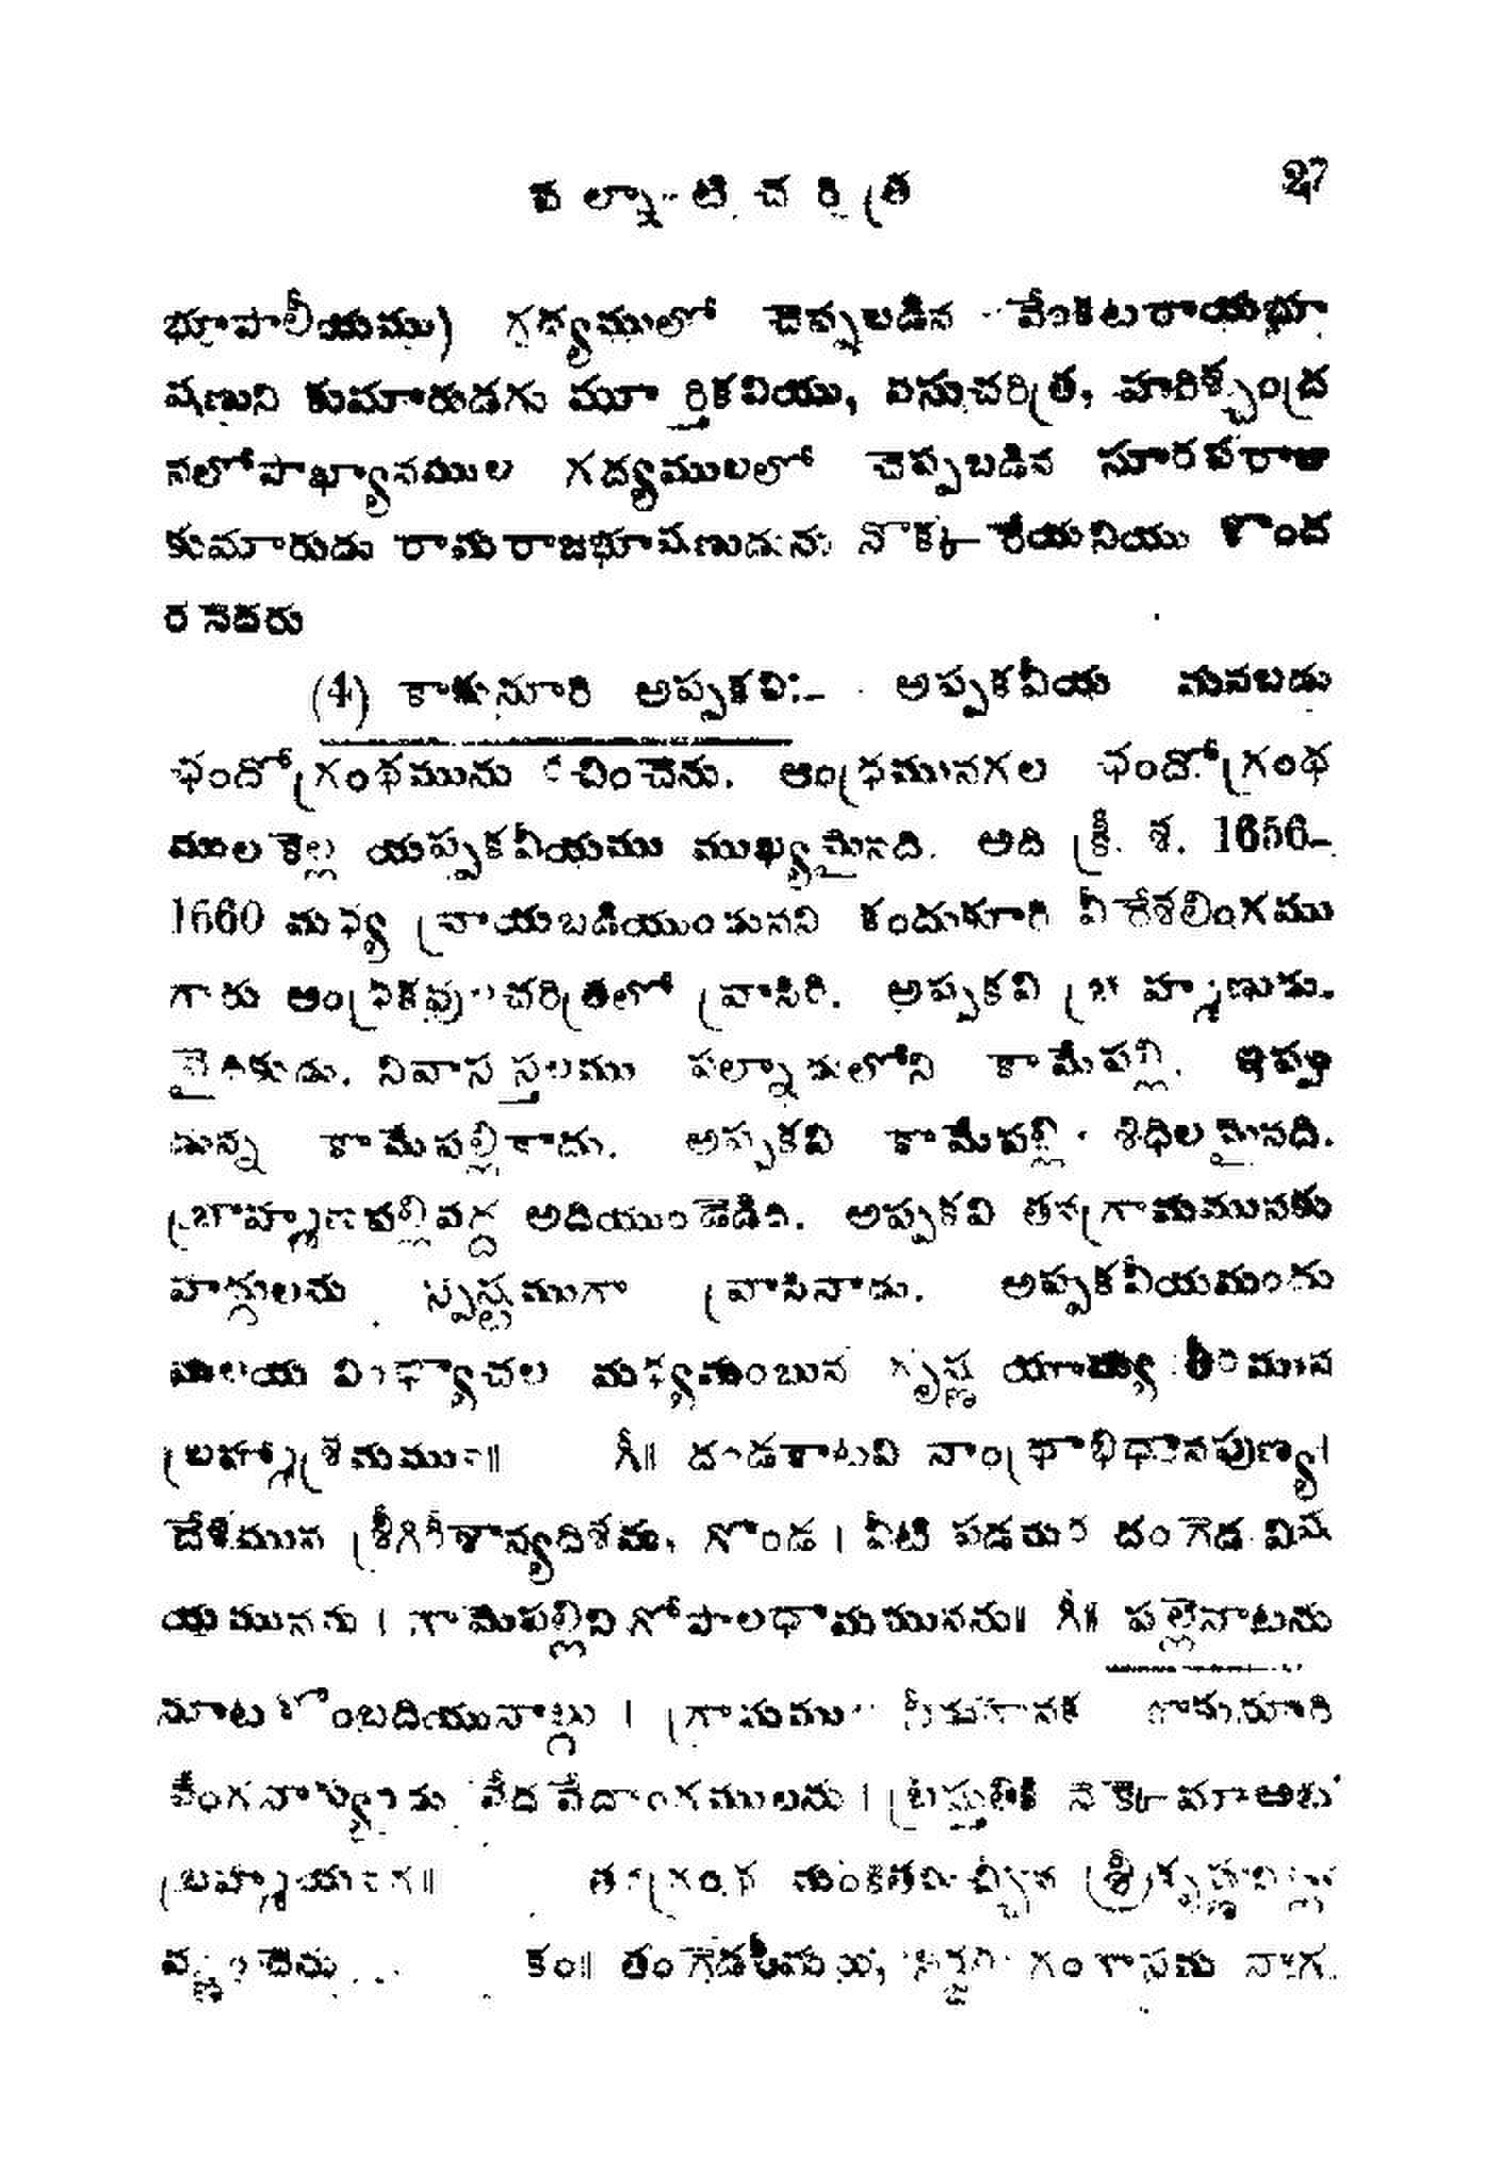భూపాలీయము) గద్యములో చెన్నబడిన వేంకటరాయభూషణుని 
కుమారుడగు మూర్తికవియు, వసుచరిత్ర, హరిశ్చంద్ర
నలోపాఖ్యానముల గద్యములలో చెప్పబడిన సూరపరాజు
కుమారుడు రామరాజభూషణుడును నొక్క రేయనియు కొంద
నెదరు

(4) కాకునూరి అప్పకవి:- అప్పకవీయ మనబడు
ఛందోగ్రంథమును రచించెను. ఆంధ్రమునగల ఛందోగ్రంథముల 
కెల్ల యప్పకవీయము ముఖ్యమైంది. అది క్రీ. శ. 1656–1660 
మధ్య వ్రాయబడియుండునని కందుకూరి వీరేశలింగము
గారు ఆంధ్రకవుల చరిత్రలో వ్రాసిరి. అప్పకవి బ్రాహ్మణుడు.
వైదికుడు. నివాస స్థలము పల్నాడులోని కామేపల్లి. ఇప్పుడున్న 
కామేపల్లి కాదు. అప్పకవి కామేపల్లి శిధిలమైనది.
బ్రాహ్మణపల్లి వద్ద అదియుండెడిది . అప్పకవి తన గ్రామములకు
హద్దులను స్పష్టముగా వ్రాసినాడు. అప్పకవీయమందు మలయ 
వింధ్యాచల మధ్యమంబున గృష్ణ యామ్య తీరమున
బ్రహ్మాశ్రమమున ||

గీ. దండకాటవి నాంధ్రాభిధానపుణ్య!
 దేశమున శ్రీగిరీశాన్యదిశను గొండ 
 వీటి పడమర దంగెడ విషయమునకు | 
 కామేపల్లిని గోపాలధామమునను 
 
 గీ। పల్లెనాటనునూట తొంబదియునాల్గు 
 గ్రామముల నీడు గానక కాకునూరి
 వేంగనార్యుడు వేదవేదాంగములను | 
 ప్రస్తుతికి నెక్కెమాఱట బ్రహ్మయనగ 
 
తన గ్రంధ మంకితమిచ్చిన కృష్ణు నిట్లు వర్ణించెను 

కం॥ తంగెడసీమను నిర్జర గంగాసమ నాగ